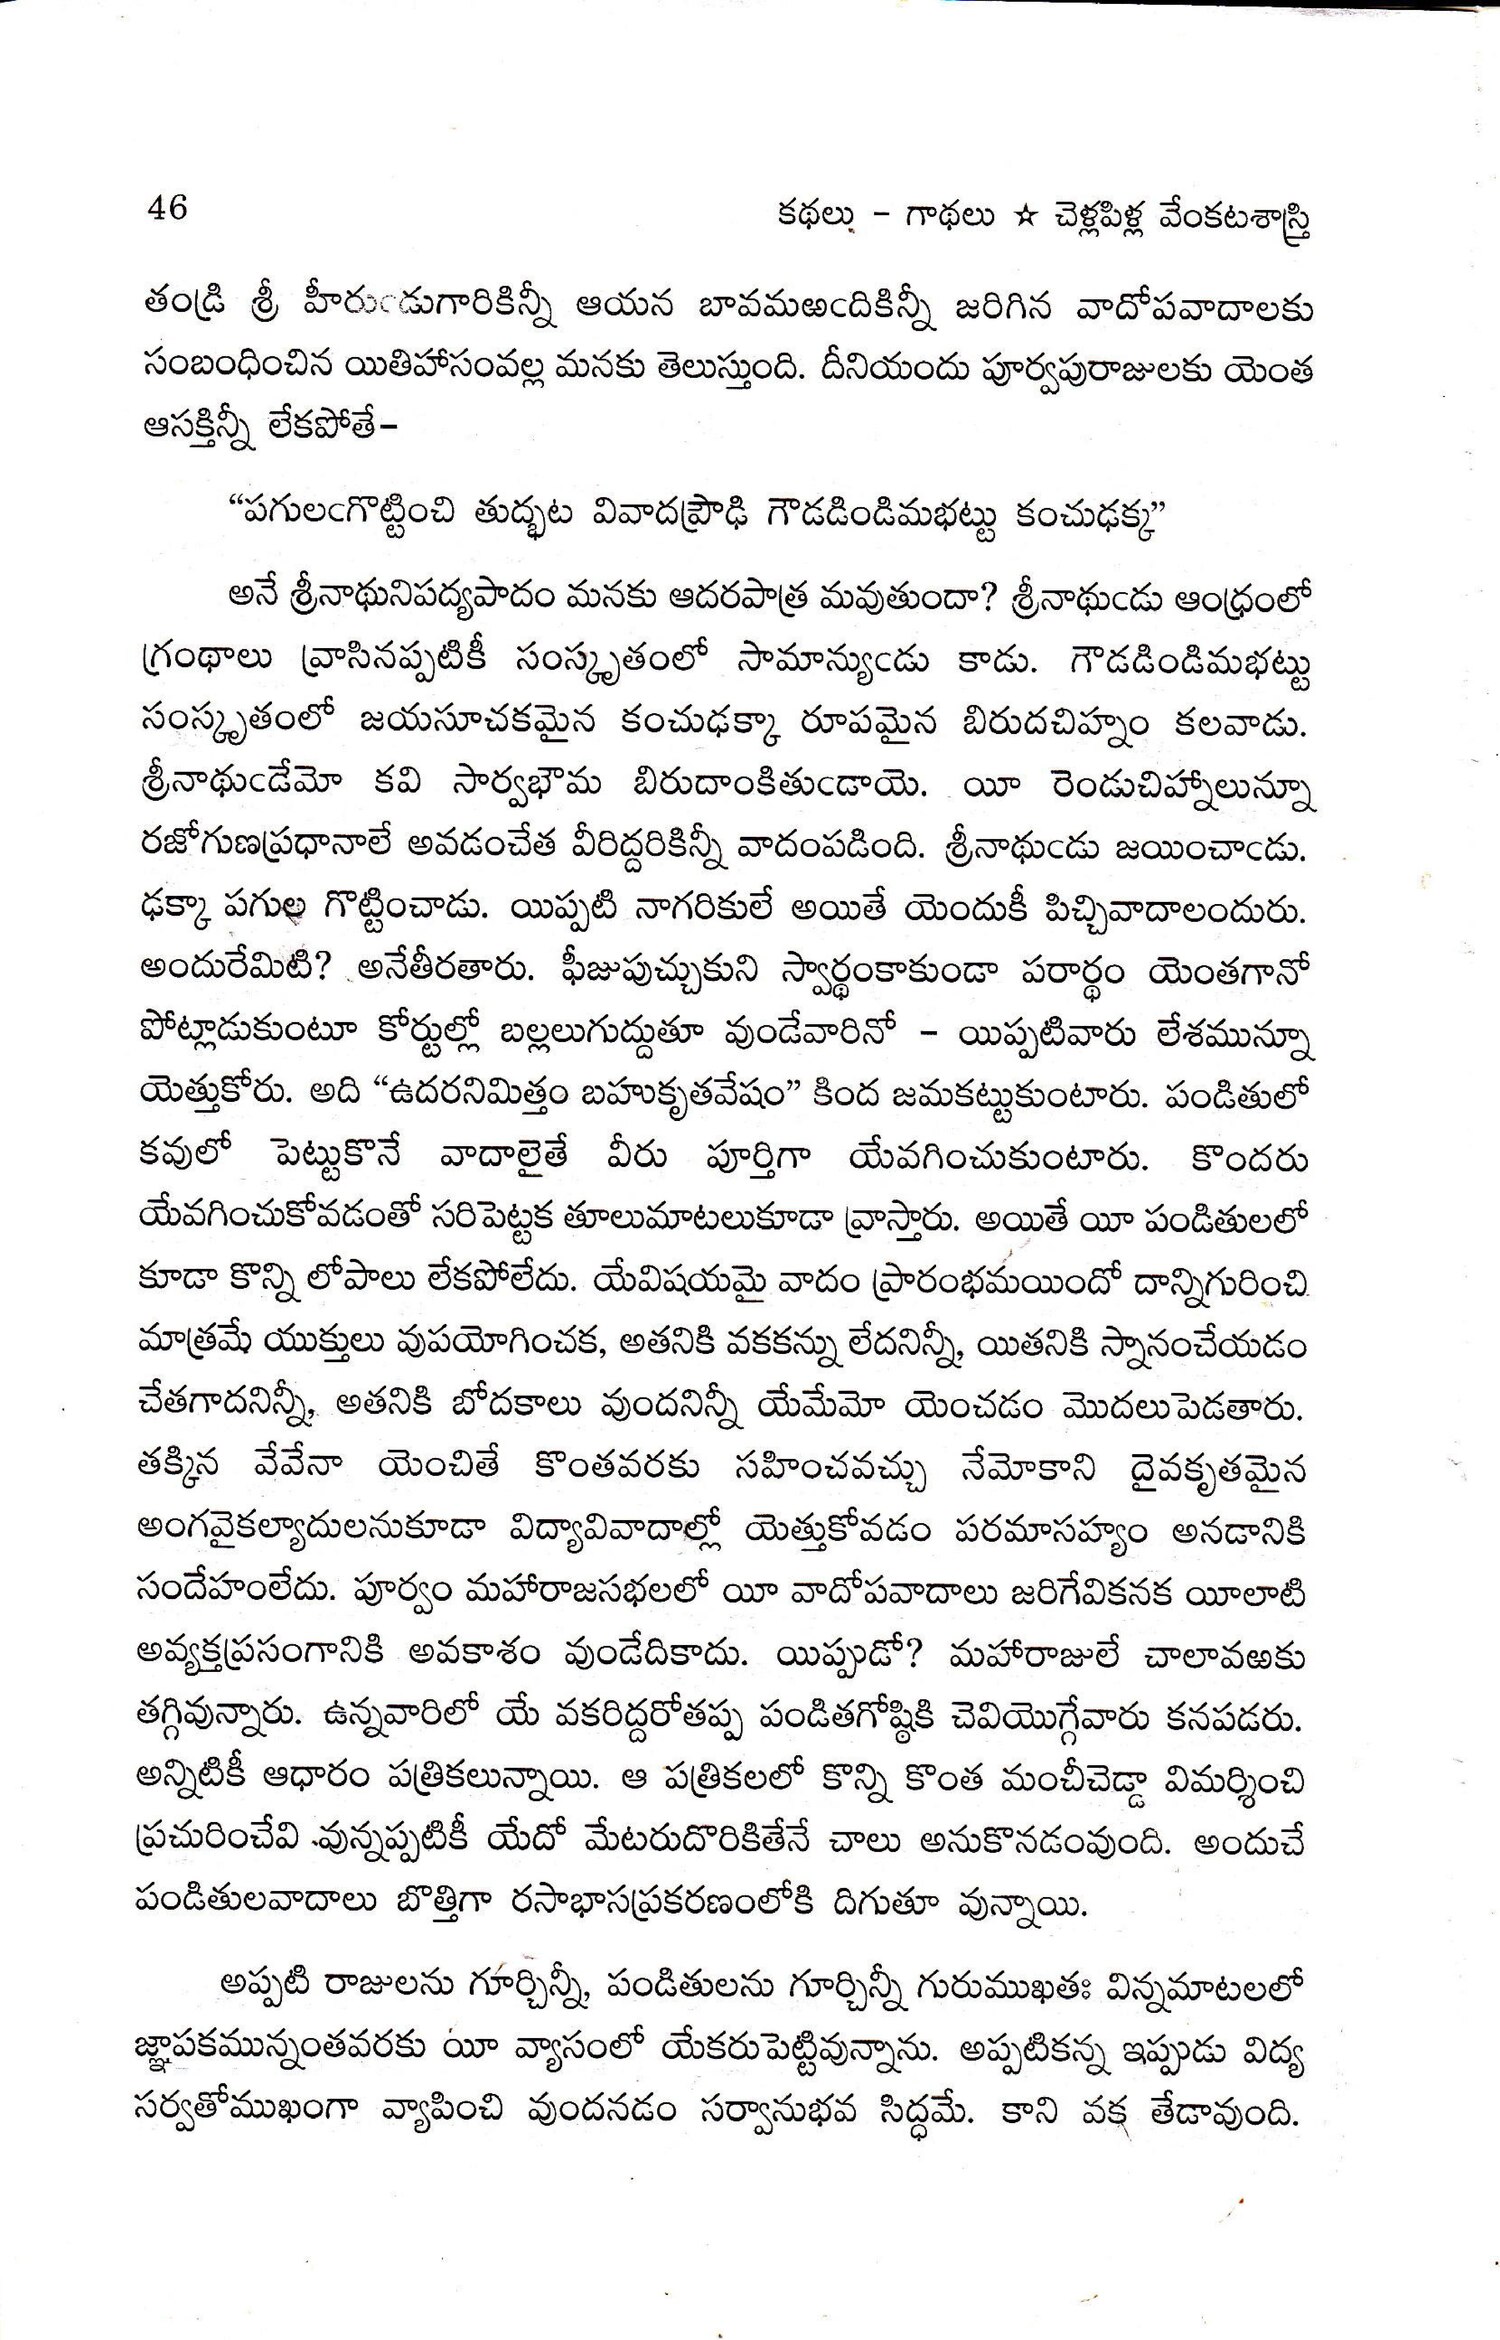తండ్రి శ్రీ హీరుడుగారికిన్నీ ఆయన బావమఱందికిన్నీ జరిగిన వాదోపవాదాలకు సంబంధించిన యితిహాసంవల్ల మనకు తెలుస్తుంది. దీనియందు పూర్వపురాజులకు యెంత ఆసక్తిన్నీ లేకపోతే

"పగులంగొట్టించి తుద్భట వివాదప్రాధి గౌడడిండిమభట్టు కంచుఢక్క"

అనే శ్రీనాథునిపద్యపాదం మనకు ఆదరపాత్ర మవుతుందా? శ్రీనాథుండు ఆంధ్రంలో గ్రంథాలు వ్రాసినప్పటికీ సంస్కృతంలో సామాన్యుఁడు కాడు. గౌడడిండిమభట్టు సంస్కృతంలో జయసూచకమైన కంచుఢక్కా రూపమైన బిరుదచిహ్నం కలవాడు. శ్రీనాథుండేమో కవి సార్వభౌమ బిరుదాంకితుండా యె. యీ రెండుచిహ్నాలున్నూ రజోగుణప్రధానాలే అవడంచేత వీరిద్దరికిన్నీ వాదంపడింది. శ్రీనాథుండు జయించాండు. ఢక్కా పగుల గొట్టించాడు. యిప్పటి నాగరికులే అయితే యెందుకీ పిచ్చివాదాలందురు. అందురేమిటి? అనేతీరతారు. ఫీజుపుచ్చుకుని స్వార్థంకాకుండా పరార్థం యెంతగానో పోట్లాడుకుంటూ కోర్టుల్లో బల్లలుగుద్దుతూ వుండేవారినో - యిప్పటివారు లేశమున్నూ యెత్తుకోరు. అది “ఉదరనిమిత్తం బహుకృతవేషం" కింద జమకట్టుకుంటారు. పండితులో కవులో పెట్టుకొనే వాదాలైతే వీరు పూర్తిగా యేవగించుకుంటారు. కొందరు యేవగించుకోవడంతో సరిపెట్టక తూలుమాటలుకూడా వ్రాస్తారు. అయితే యీ పండితులలో కూడా కొన్ని లోపాలు లేకపోలేదు. యేవిషయమై వాదం ప్రారంభమయిందో దాన్నిగురించి మాత్రమే యుక్తులు వుపయోగించక, అతనికి వకకన్ను లేదనిన్నీ యితనికి స్నానంచేయడం చేతగాదనిన్నీ అతనికి బోదకాలు వుందనిన్నీ యేమేమో యెంచడం మొదలుపెడతారు. తక్కిన వేవేనా యెంచితే కొంతవరకు సహించవచ్చు నేమోకాని దైవకృతమైన అంగవైకల్యాదులను కూడా విద్యావివాదాల్లో యెత్తుకోవడం పరమాసహ్యం అనడానికి సందేహంలేదు. పూర్వం మహారాజసభలలో యీ వాదోపవాదాలు జరిగేవికనక యీలాటి అవ్యక్తప్రసంగానికి అవకాశం వుండేదికాదు. యిప్పడో? మహారాజులే చాలావఱకు తగ్గివున్నారు. ఉన్నవారిలో యే వకరిద్దరోతప్ప పండితగోష్టికి చెవియొగ్గేవారు కనపడరు. అన్నిటికీ ఆధారం పత్రికలున్నాయి. ఆ పత్రికలలో కొన్ని కొంత మంచీచెడ్డా విమర్శించి ప్రచురించేవి వున్నప్పటికీ యేదో మేటరుదొరికితేనే చాలు అనుకొనడంవుంది. అందుచే పండితులవాదాలు బొత్తిగా రసాభాసప్రకరణంలోకి దిగుతూ వున్నాయి.

అప్పటి రాజులను గూర్చిన్నీ పండితులను గూర్చిన్నీ గురుముఖతః విన్నమాటలలో జ్ఞాపకమున్నంతవరకు ooJo వ్యాసంలో యేకరు పెట్టివున్నాను. అప్పటికన్న ఇప్పడు విద్య సర్వతోముఖంగా వ్యాపించి వుందనడం సర్వానుభవ సిద్ధమే. కాని వక తేడావుంది.